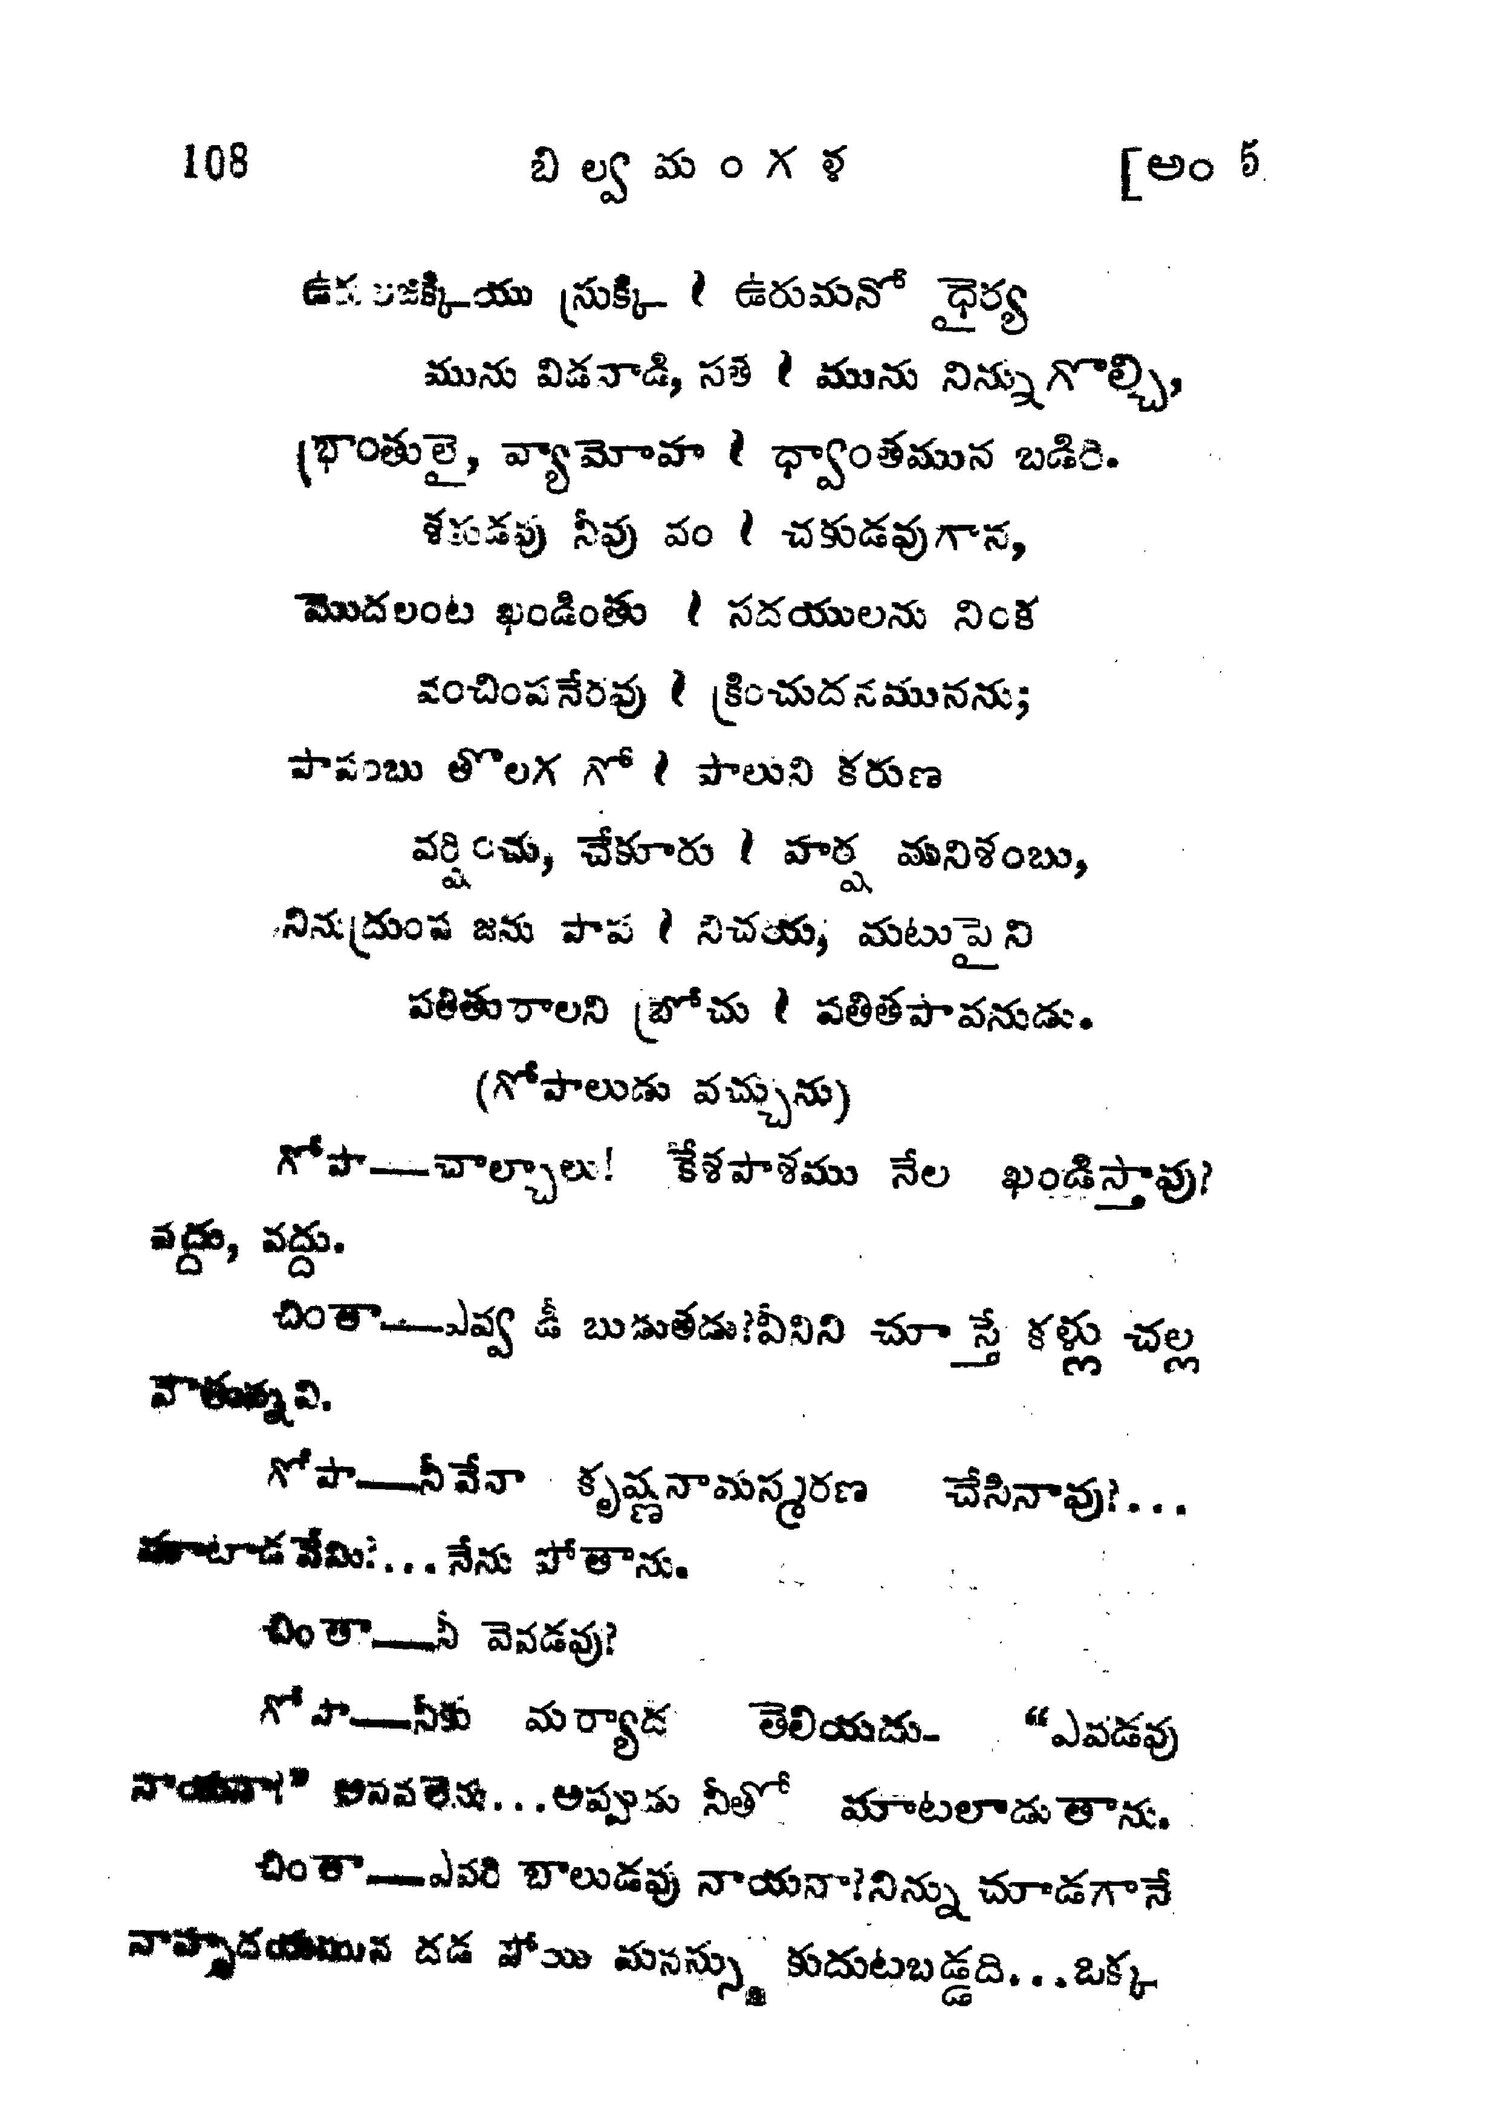ఉరులజిక్కియు స్రుక్కి ♦ ఉరుమనో ధైర్య
 మును విడనాడి, సత ♦ మును నిన్ను గొల్చి,
 భ్రాంతులై, వ్యామోహ ♦ ధ్వాంతమున బడిరి.
 శఠుడవు నీవు వం ♦ చకుడవుగాన,
 మొదలంట ఖండింతు ♦ సదయులను నింక
 వంచింపనేరవు ♦ క్రించుదనమునను;
 పాపంబు తొలగ గో ♦ పాలుని కరుణ
 వర్షించు, చేకూరు ♦ హర్ష మనిశంబు,
 నినుద్రుంప జను పాప ♦ నిచయ, మటుపైని
 పతితురాలని బ్రోచు ♦ పతితపావనుడు.

గోపా - చాల్చాలు! కేశపాశము నేల ఖండిస్తావు? వద్దు, వద్దు.

చింతా - ఎవ్వ డీ బుడుతడు? వీనిని చూస్తే కళ్లు చల్లనౌతున్నవి.

గోపా - నీవేనా కృష్ణనామస్మరణ చేసినావు?... మాటాడవేమి?...నేనుపోతాను.

చింతా - నీ వెవడవు?

గోపా - నీకు మర్యాద తెలియదు. "ఎవడవు నాయనా?" అనవలెను...అప్పుడు నీతో మాటలాడుతాను.

చింతా - ఎవరి బాలుడవు నాయనా? నిన్ను చూడగానే నాహృదయమున దడ పోయి మనస్సు కుదుటబడ్డది ....ఒక్క